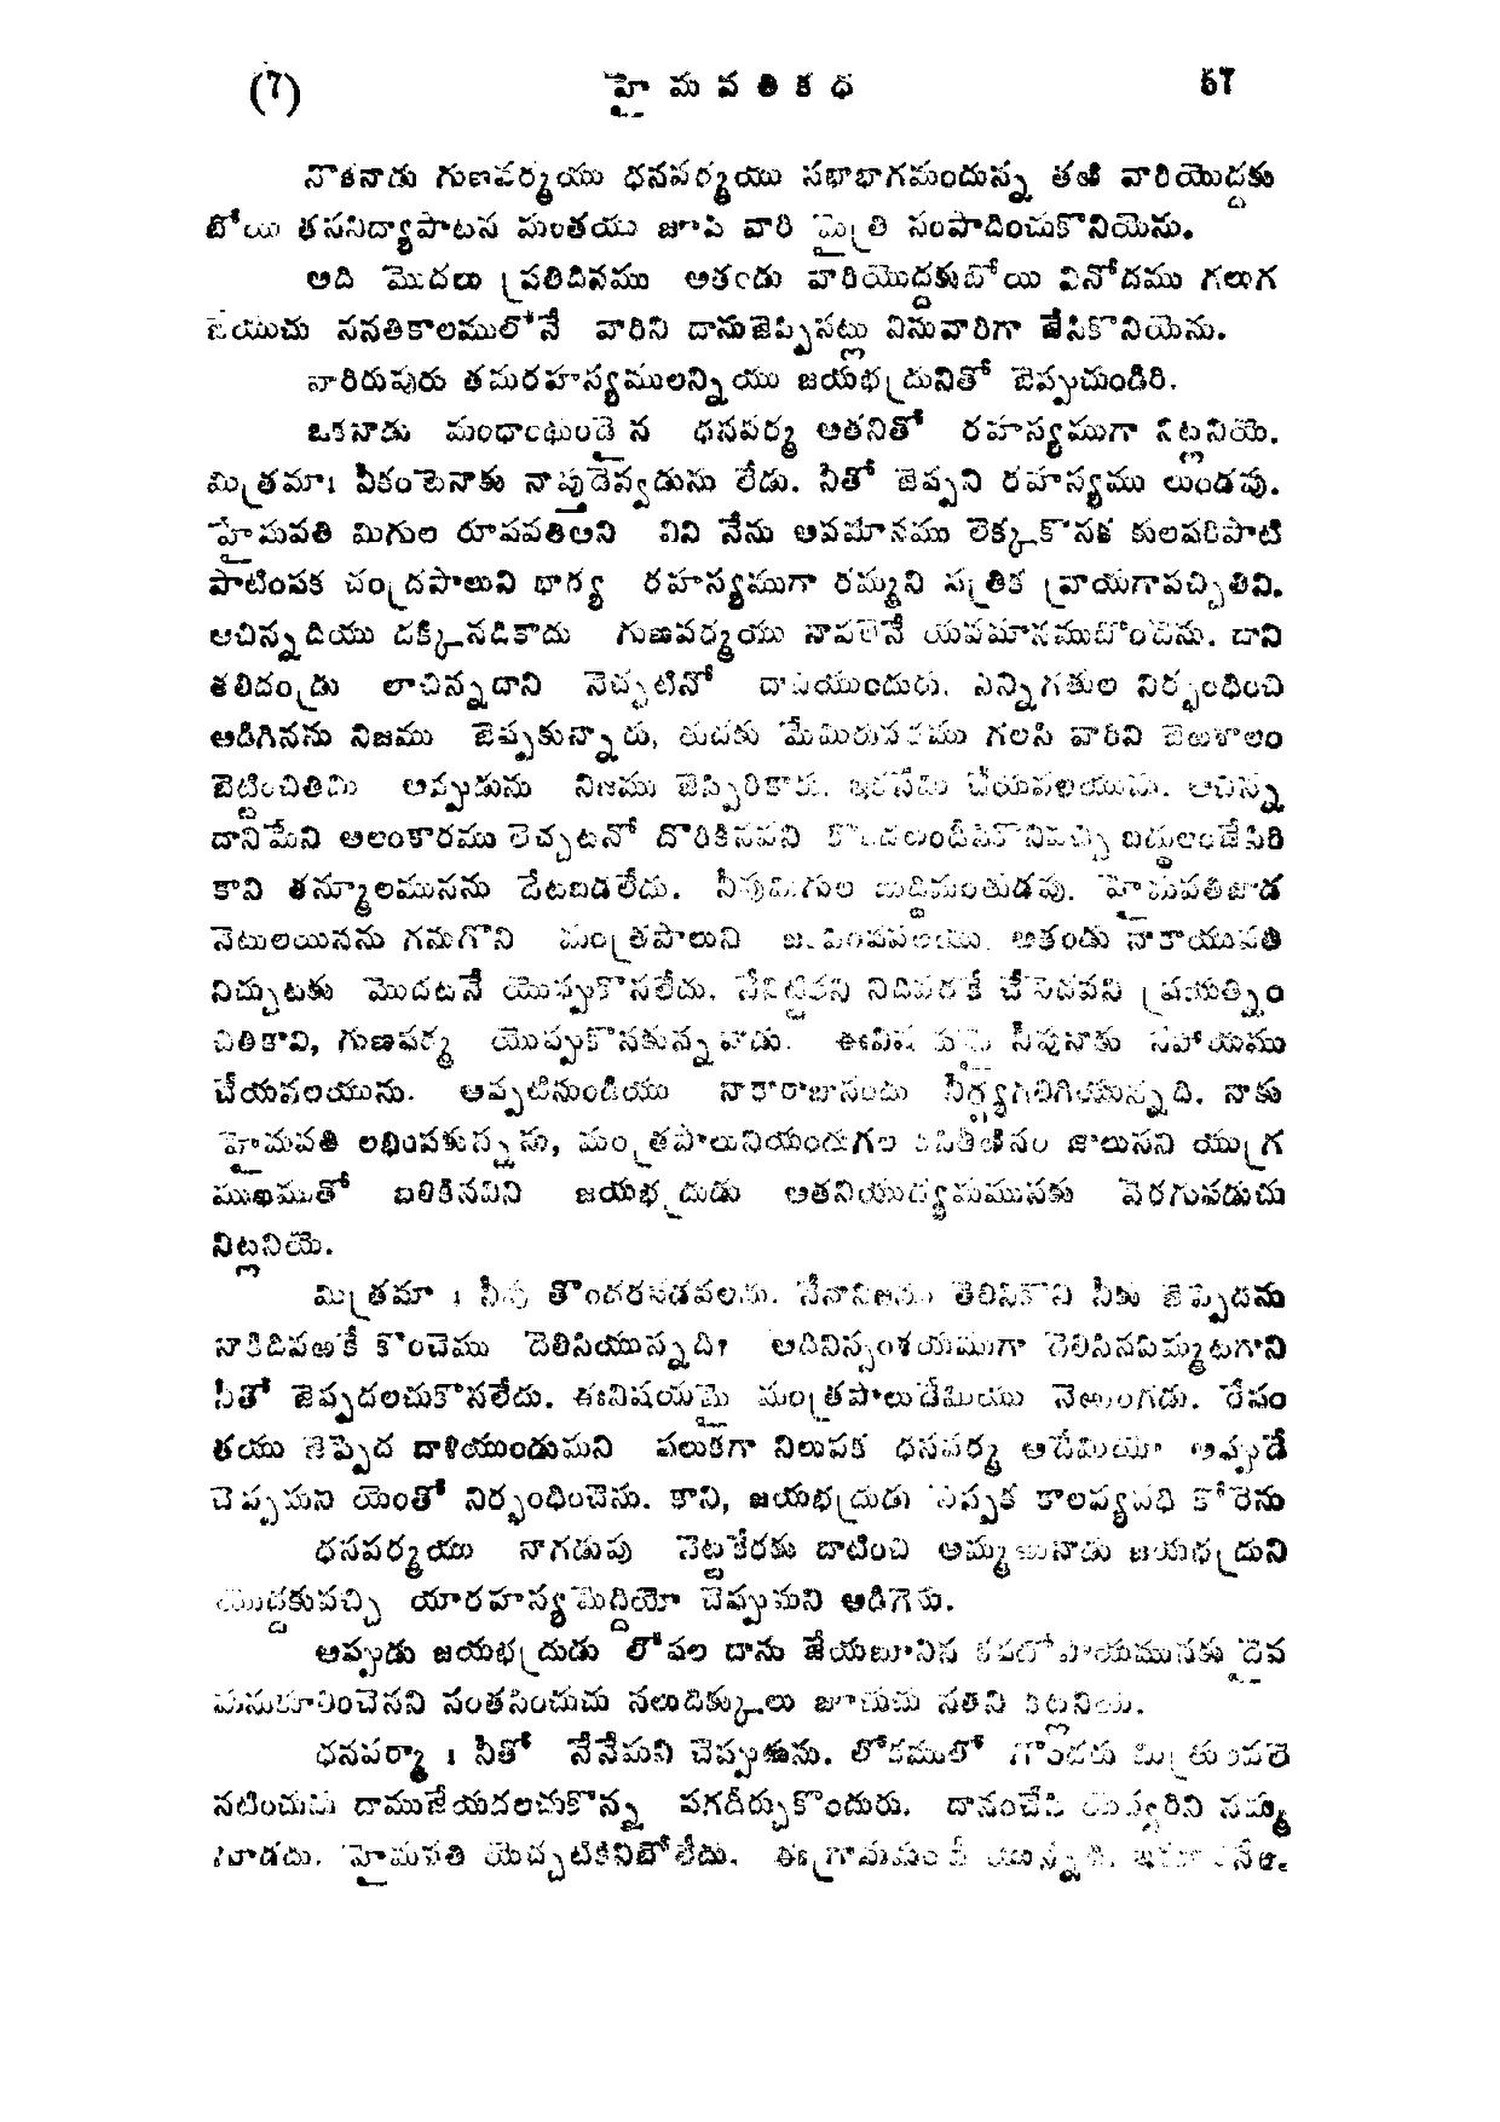నొకనాడు గుణవర్మయు ధనవర్మయు సభాభాగమందున్నతఱి వారియొద్దకు బోయి తననిద్యాపాటన మంతయు జూపి వారి మైత్రి సంపాదించుకొనియెను.

అది మొదలు ప్రతిదినము అతండు వారియొద్దకుబోయి వినోదము గలుగ జేయుచు ననతికాలములోనే వారిని దానుజెప్పినట్లు వినువారిగా జేసికొనియెను.

వారిరువురు తమరహస్యములన్నియు జయభద్రునితో జెప్పుచుండిరి.

ఒకనాడు మంధాంథుండైన ధనవర్మ అతనితో రహస్యముగా నిట్లనియె. మిత్రమా! నీకంటెనాకు నాప్తు డెవ్వడును లేడు. నీతో జెప్పని రహస్యము లుండవు. హైమవతి మిగుల రూపవతి అని విని నేను అవమానము లెక్కకొనక కులపరిపాటి పాటింపక చంద్రపాలుని భార్య రహస్యముగా రమ్మని పత్రిక వ్రాయగా వచ్చితిని. ఆచిన్నదియు దక్కినదికాదు గుణవర్మయు నావలెనే యవమానముబొందెను. దాని
తలిదండ్రు లాచిన్నదాని నెచ్చటినో దాచియుందురు. ఎన్నిగతుల నిర్బంధించి అడిగినను నిజము జెప్పకున్నారు. తుదకు మేమిరువురము గలసి వారని జెఱశాలం బెట్టించితిమి. అప్పుడును నిజము జెప్పిరికారు. ఇకనేమి చేయవలయును. ఆచిన్నదానిమేని అలంకారము లెచ్చటనో దొరికినవని కొందఱం దీసికొనివచ్చి బద్దులం జేసిరి కాని తన్మూలమునను దేటబడలేదు. నీవుమిగుల బుద్ధిమంతుడవు. హైమవతిజాడ నెటులయినను గనుగొని మంత్రపాలుని జంపింపవలయు. అతండు నాకాయుపతి నిచ్చుటకు మొదటనే యొప్పుకొనలేదు. నేనిట్టిపని నిదివరకే చేసెదనని ప్రయత్నించితికాని, గుణవర్మ యొప్పుకొనకున్నవాడు. ఈవిషయమై నీవు నాకు సహాయము చేయవలయును. అప్పటినుండియు నా కారాజునందు నీర్ష్యగలిగియున్నది. నాకు హైమవతి లభింపకున్నను, మంత్రపాలునియందుగల కసితీఱినం జాలునని యుగ్రముఖముతో బలికినవిని జయభద్రుడు అతనియుద్యమమునకు వెరగుపడుచు నిట్లనియె.

మిత్రమా! నీవు తొందరపడవలదు. నేనానిజము తెలిసికొని నీకు జెప్పెదను నాకిదివఱకే కొంచెము దెలిసియున్నది? అదినిస్సంశయముగా దెలిసినపిమ్మటగాని నీతో జెప్పదలచుకొసలేదు. ఈవిషయమై మంత్రపాలు డేమియు నెఱుంగడు. రేపంతయు జెప్పెద దాళియుండుమని పలుకగా నిలువక ధనవర్మ అదేమియో అప్పుడే చెప్పమని యెంతో నిర్భంధించెను. కాని, జయభద్రుడు సెప్పక కాలవ్యవధి కోరెను.

ధనవర్మయు నాగడువు నెట్టకేరకు దాటించి అమ్మఱునాడు జయభద్రుని యొద్దకువచ్చి యారహస్య మెద్దియో చెప్పుమని అడిగెను.

అప్పుడు జయభద్రుడు లోపల దాను జేయబూనిన కపటోపాయమునకు దైవ మనుకూలించెనని సంతసించుచు నలుదిక్కులు జూచుచు నతని కిట్లనియె.

ధనవర్మా! నీతో నేనేమని చెప్పుదును. లోకములో గొందరు మిత్రులవలె నటించుచు దాము జేయదలచుకొన్న పగదీర్చుకొందురు. దానంచేసి యెవ్వరిని నమ్మగూడదు. హైమవతి యెచ్చటికిని బోలేదు. ఈగ్రామమందే యున్నది. ఇక దాచనేల.